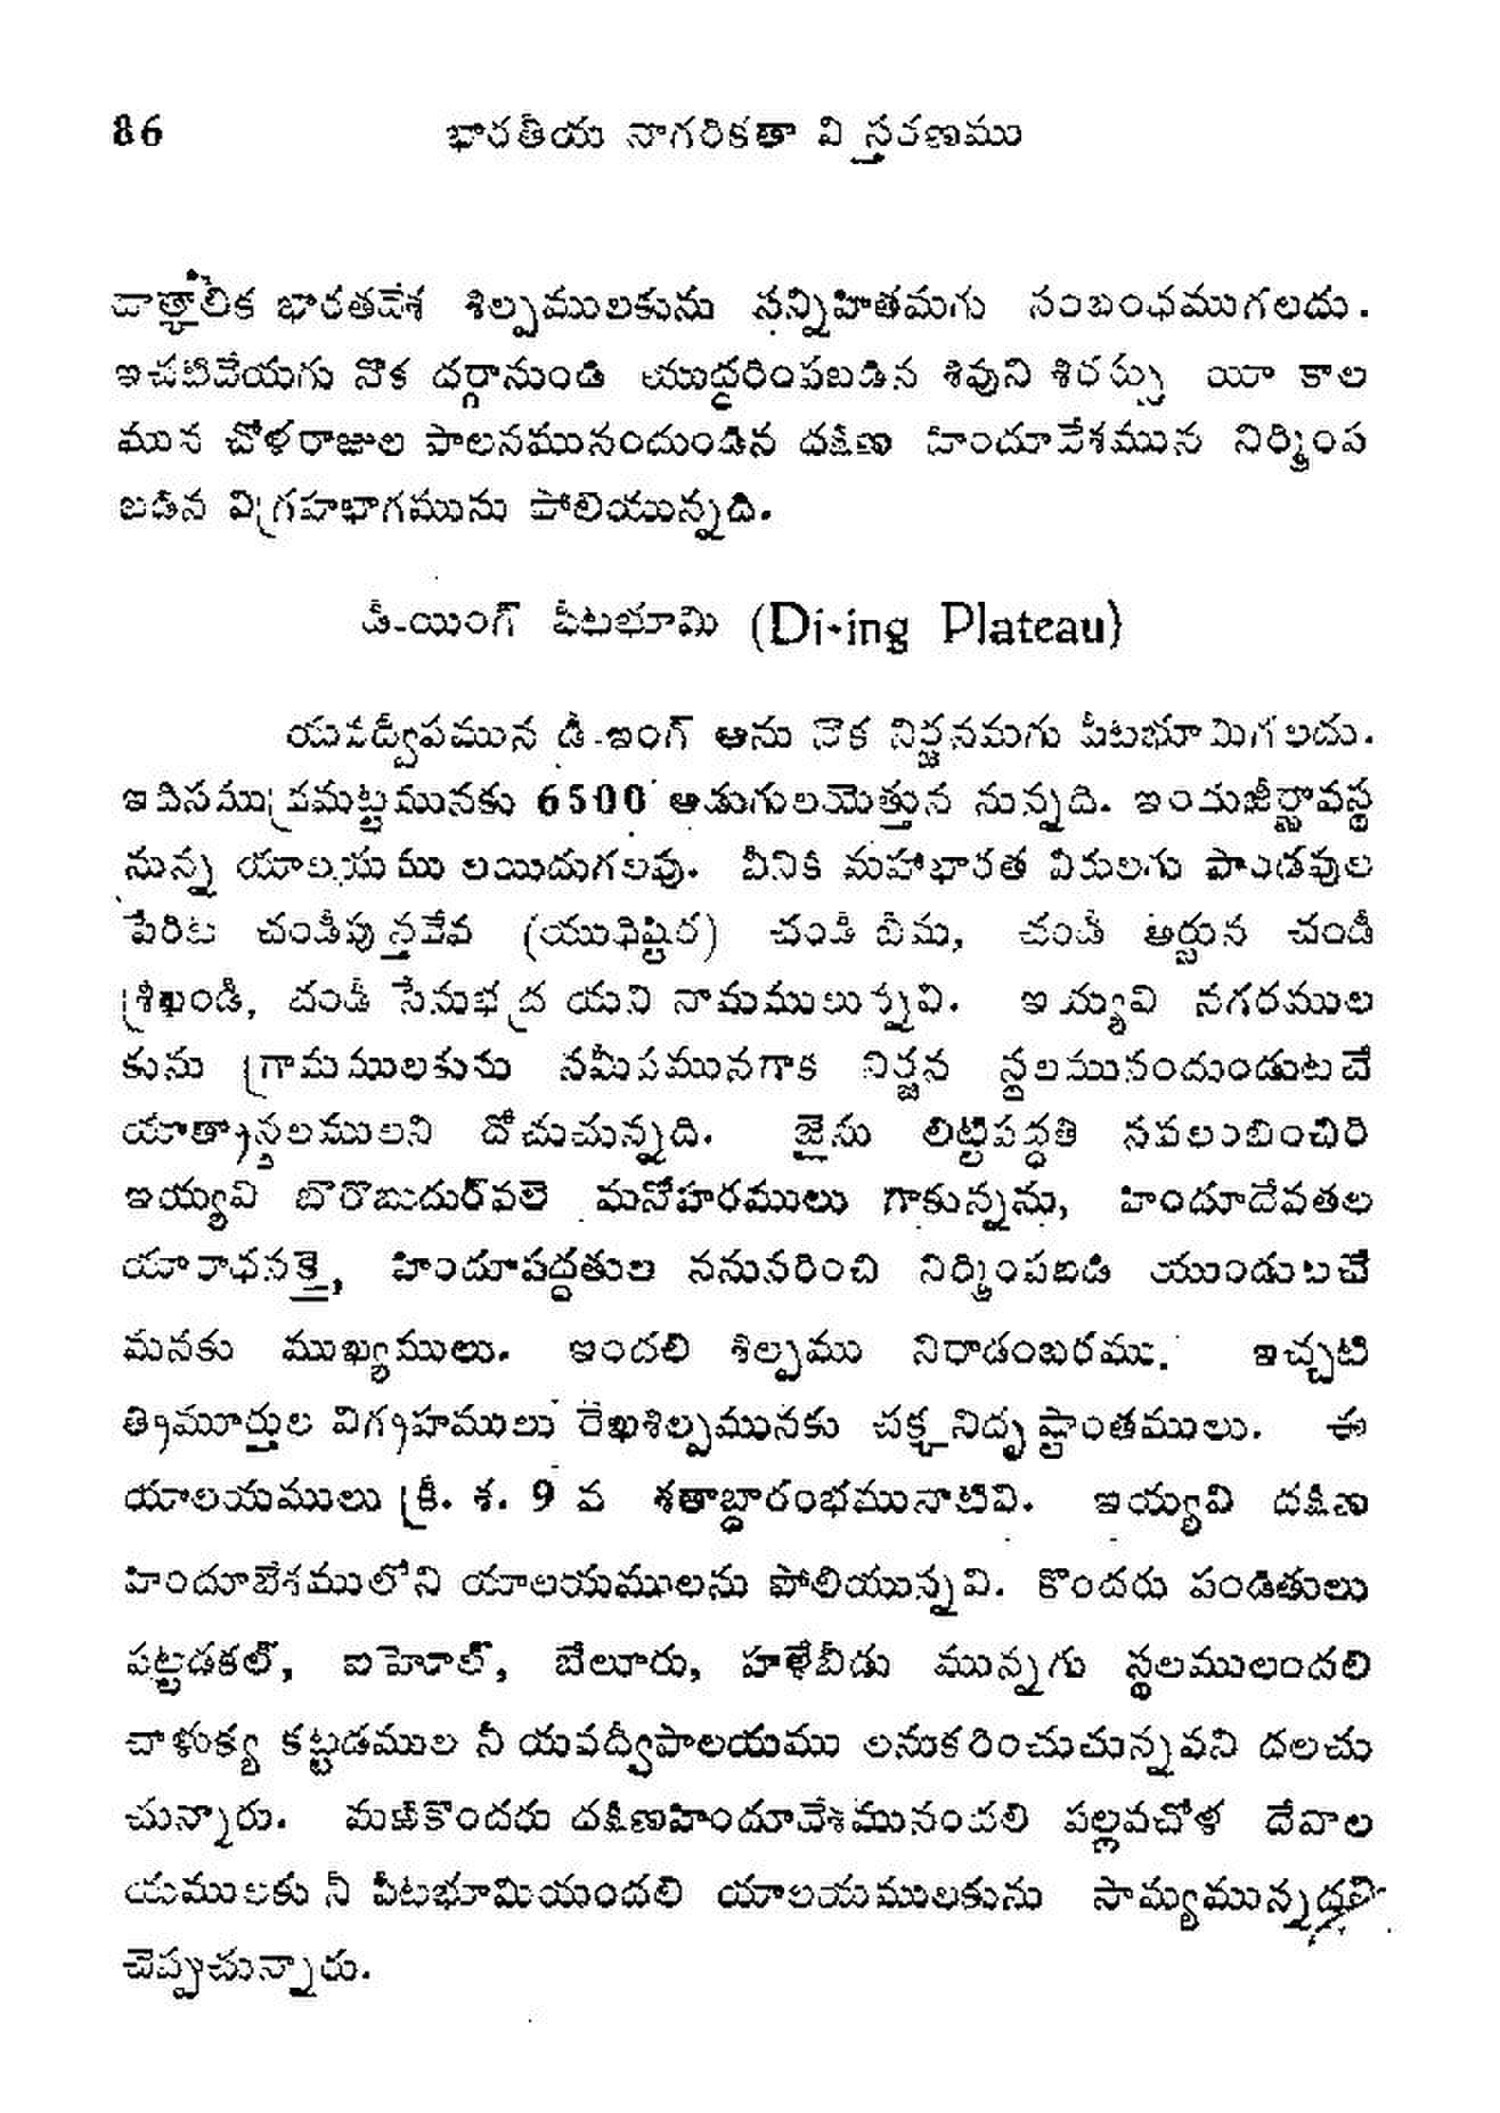దాత్కాలిక భారతదేశ శిల్పములకును సన్నిహితమగు సంబంధముగలదు. ఇచటిదేయగు నొక దర్గానుండి యుద్దరింపబడిన శివుని శిరస్సు యీ కాలమున చోళరాజుల పాలనమునందుండిన దక్షిణ హిందూదేశమున నిర్మింపబడిన విగ్రహభాగమును పోలియున్నది.

యవద్వీపమున డీ-ఇంగ్ అను నొక నిర్జనమగు పీటభూమిగలదు. ఇది సముద్రమట్టమునకు 6500 అడుగులయెత్తున నున్నది. ఇందుజీర్ణావస్థనున్న యాలయము లయిదుగలవు. వీనికి మహాభారత వీరులగు పాండవుల పేరిట చండిపుస్తదేవ (యుద్ధిష్టిర) చండీ భీమ, చండీ అర్జున చండీశ్రిఖండీ, చండీసేనుభద్ర యని నామములున్నవి. ఇయ్యవి నగరములకును గ్రామములకును సమీపమునగాక నిర్జన స్థలమునందుండుటచే యాత్రాస్థలములని దోచుచున్నది. జైను లిట్టిపద్దతి నవలంభించిరి. ఇయ్యవి బొరొబుదుర్‌వలె మనోహరములు గాకున్నను, హిందూదేవతల యారాధనకై, హిందూపద్దతుల ననుసరించి నిర్మింపబడి యుండుటచే మనకు ముఖ్యములు. ఇందలి శిల్పము నిరాడంబరము. ఇచ్చటి త్రిమూర్తుల విగ్రహములు రెఖశిల్పమునకు చక్కనిదృష్టాంతములు. ఈ యాలయములు క్రీ. శ. 9 వ శతాబ్దారంభమునాటివి. ఇయ్యవి దక్షిణ హిందూదేశములోని యాలయములను పోలియున్నవి. కొందరు పండితులు పట్టడకల్, బహోల్, బేలూరు, హళేబీడు మున్నగు స్థలములందలి చాళుక్య కట్టడముల నీ యవద్వీపాలయము లనుకరించుచున్నవని దలచుచున్నారు. మఱికొందరు దక్షిణహిందూదేశమునందలి పల్లవచోళ దేవాలయములకు నీ పీటభూమియందలి యాలయములకును సామ్యమున్నదని చెప్పుచున్నారు.